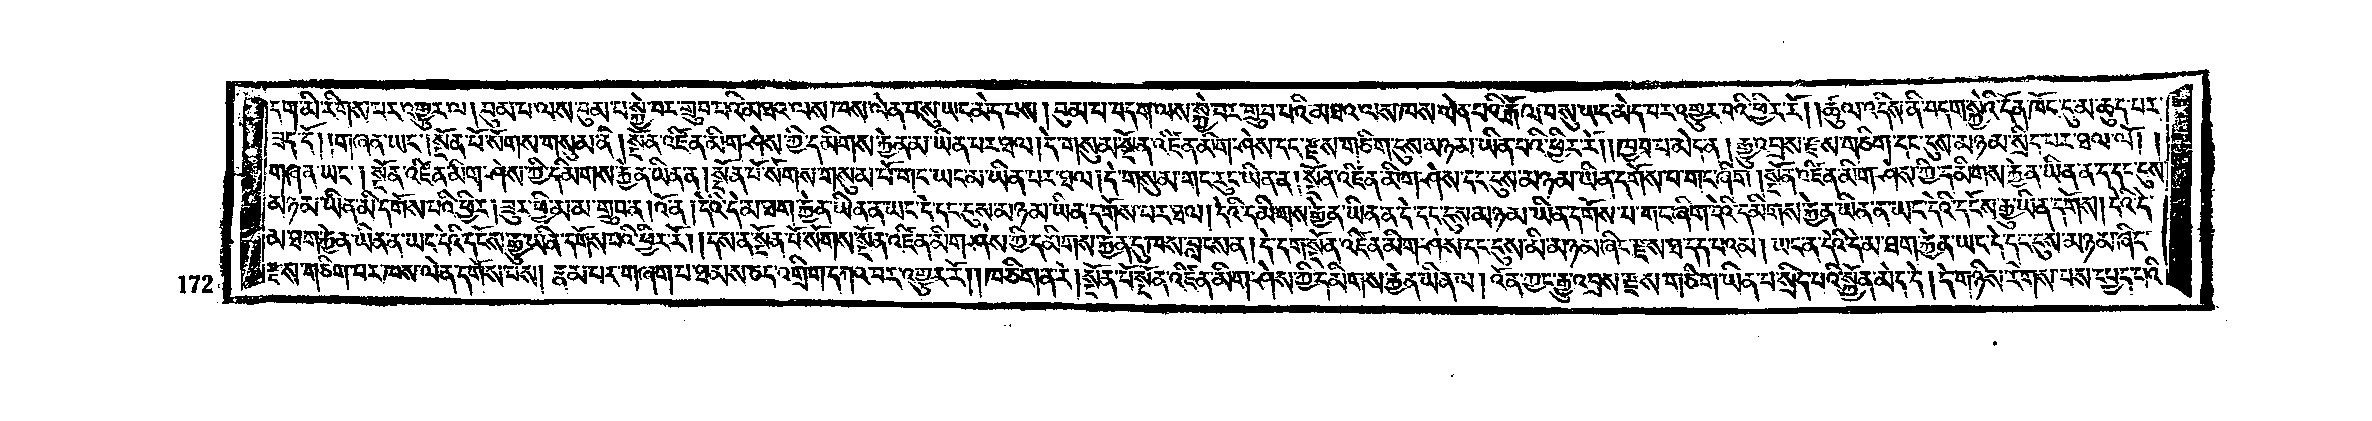དག་མི་རིགས་པར་འགྱུར་ལ། བུམ་པ་ལས་བུམ་པ་སྐྱེ་བར་གྲུབ་པའི་མཐའ་ལས་ཁས་ལེན་པ་སུ་ཡང་མེད་པས། བུམ་པ་བདག་ལས་སྐྱེ་བར་གྲུབ་པའི་མཐའ་ལས་ཁས་ལེན་པའི་རྒོལ་བ་སུ་ཡང་མེད་པར་འགྱུར་བའི་ཕྱིར་རོ། །ཚུལ་འདིས་ནི་བདག་སྐྱེའི་དོན་ཁོང་དུ་མ་ཆུད་པར་
ཟད་དེ། །གཞན་ཡང་། སྔོན་པོ་སོགས་གསུམ་ནི། སྔོན་འཛིན་མིག་ཤེས་ཀྱི་དམིགས་རྐྱེན་མ་ཡིན་པར་ཐལ། དེ་གསུམ་སྔོན་འཛིན་མིག་ཤེས་དང་རྫས་གཅིག་དུས་མཉམ་ཡིན་པའི་ཕྱིར་རོ། །ཁྱབ་པ་མེད་ན། རྒྱུ་འབྲས་རྫས་གཅིག་དང་དུས་མཉམ་སྲིད་པར་ཐལ་ལོ། །
གཞན་ཡང་། སྔོན་འཛིན་མིག་ཤེས་ཀྱི་དམིགས་རྐྱེན་ཡིན་ན། སྔོན་པོ་སོགས་གསུམ་པོ་གང་ཡང་མ་ཡིན་པར་ཐལ། དེ་གསུམ་གང་རུང་ཡིན་ན། སྔོན་འཛིན་མིག་ཤེས་དང་དུས་མཉམ་ཡིན་དགོས་པ་གང་ཞིག །སྔོན་འཛིན་མིག་ཤེས་ཀྱི་དམིགས་རྐྱེན་ཡིན་ན་དེ་དང་དུས་
མཉམ་ཡིན་མི་དགོས་པའི་ཕྱིར། ཟུར་ཕྱི་མ་མ་གྲུབ་ན། འོ་ན། དེའི་དེ་མ་ཐག་རྐྱེན་ཡིན་ན་ཡང་དེ་དང་དུས་མཉམ་ཡིན་དགོས་པར་ཐལ། དེའི་དམིགས་རྐྱེན་ཡིན་ན་དེ་དང་དུས་མཉམ་ཡིན་དགོས་པ་གང་ཞིག་དེའི་དམིགས་རྐྱེན་ཡིན་ན་ཡང་དེའི་དངོས་རྒྱུ་ཡིན་དགོས། དེའི་དེ་
མ་ཐག་རྐྱེན་ཡིན་ན་ཡང་དེའི་དངོས་རྒྱུ་ཡིན་དགོས་པའི་ཕྱིར་རོ། །དེས་ན་སྔོན་པོ་སོགས་སྔོན་འཛིན་མིག་ཤེས་ཀྱི་དམིགས་རྐྱེན་དུ་ཁས་བླངས་ན། དེ་དག་སྔོན་འཛིན་མིག་ཤེས་དང་དུས་མི་མཉམ་ཞིང་རྫས་ཐ་དད་པའམ། ཡང་ན་དེའི་དེ་མ་ཐག་རྐྱེན་ཡང་དེ་དང་དུས་མཉམ་ཞིང་
རྫས་གཅིག་པར་ཁས་ལེན་དགོས་པས། རྣམ་པར་གཞག་པ་ཐམས་ཅད་འགྲིག་དཀའ་བར་འགྱུར་རོ། །ཁ་ཅིག་ན་རེ། སྔོན་པོ་སྔོན་འཛིན་མིག་ཤེས་ཀྱི་དམིགས་རྐྱེན་ཡིན་ལ། འོན་ཀྱང་རྒྱུ་འབྲས་རྫས་གཅིག་ཡིན་པ་སྲིད་པའི་སྐྱོན་མེད་དེ། དེ་གཉིས་རིགས་པས་དཔྱད་པའི་